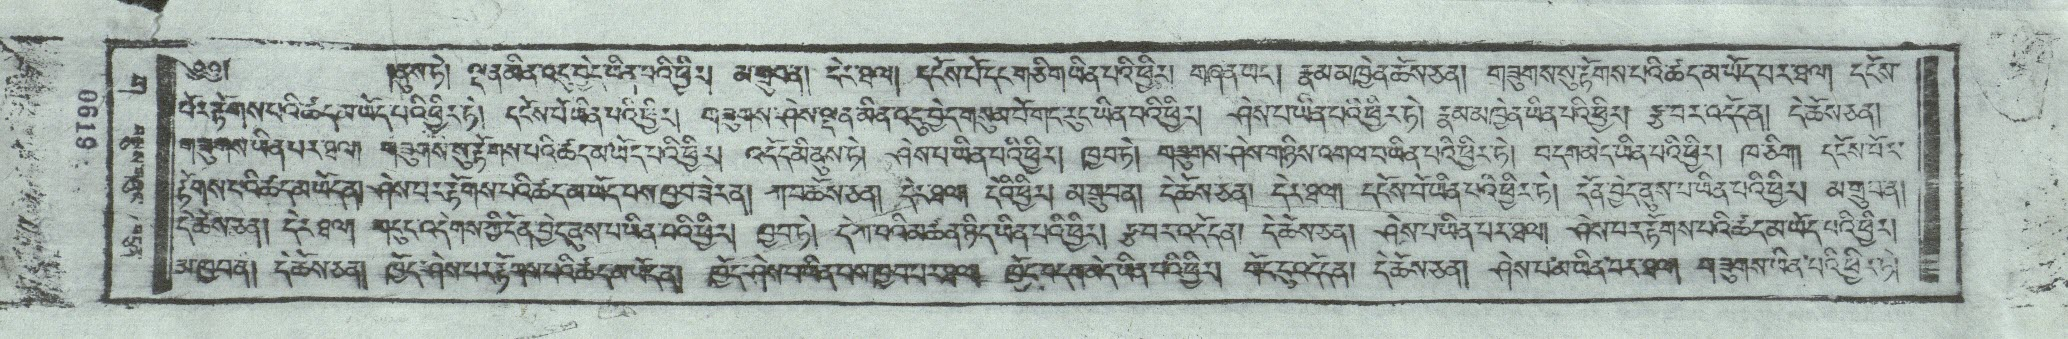༄༅། །ནུས་ཏེ། ལྡན་མིན་འདུ་བྱེད་ཡིན་པའི་ཕྱིར། མ་གྲུབ་ན། དེར་ཐལ། དངོས་པོ་དང་གཅིག་ཡིན་པའི་ཕྱིར། གཞན་ཡང་། རྣམ་མཁྱེན་ཆོས་ཅན། གཟུགས་སུ་རྟོགས་པའི་ཚད་མ་ཡོད་པར་ཐལ། དངོས་
པོར་རྟོགས་པའི་ཚད་མ་ཡོད་པའི་ཕྱིར་ཏེ། དངོས་པོ་ཡིན་པའི་ཕྱིར། གཟུགས་ཤེས་ལྡན་མིན་འདུ་བྱེད་གསུམ་པོ་གང་རུང་ཡིན་པའི་ཕྱིར། ཤེས་པ་ཡིན་པའི་ཕྱིར་ཏེ། རྣམ་མཁྱེན་ཡིན་པའི་ཕྱིར། རྩ་བར་འདོད་ན། དེ་ཆོས་ཅན།
གཟུགས་ཡིན་པར་ཐལ། གཟུགས་སུ་རྟོགས་པའི་ཚད་མ་ཡོད་པའི་ཕྱིར། འདོད་མི་ནུས་ཏེ། ཤེས་པ་ཡིན་པའི་ཕྱིར། ཁྱབ་ཏེ། གཟུགས་ཤེས་གཉིས་འགལ་བ་ཡིན་པའི་ཕྱིར་ཏེ། བདག་མེད་ཡིན་པའི་ཕྱིར། ཁ་ཅིག། དངོས་པོར་
རྟོགས་པའི་ཚད་མ་ཡོད་ན། ཤེས་པར་རྟོགས་པའི་ཚད་མ་ཡོད་པས་ཁྱབ་ཟེར་ན། ཀ་བ་ཆོས་ཅན། དེར་ཐལ། དེའི་ཕྱིར། མ་གྲུབ་ན། དེ་ཆོས་ཅན། དེར་ཐལ། དངོས་པོ་ཡིན་པའི་ཕྱིར་ཏེ། དོན་བྱེད་ནུས་པ་ཡིན་པའི་ཕྱིར། མ་གྲུབ་ན།
དེ་ཆོས་ཅན། དེར་ཐལ། གདུང་འདེགས་ཀྱི་དོན་བྱེད་ནུས་པ་ཡིན་པའི་ཕྱིར། ཁྱབ་ཏེ། དེ་ཀ་བའི་མཚན་ཉིད་ཡིན་པའི་ཕྱིར། རྩ་བར་འདོད་ན། དེ་ཆོས་ཅན། ཤེས་པ་ཡིན་པར་ཐལ། ཤེས་པར་རྟོགས་པའི་ཚད་མ་ཡོད་པའི་ཕྱིར།
མ་ཁྱབ་ན། དེ་ཆོས་ཅན། ཁྱོད་ཤེས་པར་རྟོགས་པའི་ཚད་མ་ཡོད་ན། ཁྱོད་ཤེས་པ་ཡིན་པས་ཁྱབ་པར་ཐལ། ཁྱོད་བདག་མེད་ཡིན་པའི་ཕྱིར། གོང་དུ་འདོད་ན། དེ་ཆོས་ཅན། ཤེས་པ་མ་ཡིན་པར་ཐལ། གཟུགས་ཡིན་པའི་ཕྱིར་ཏེ།